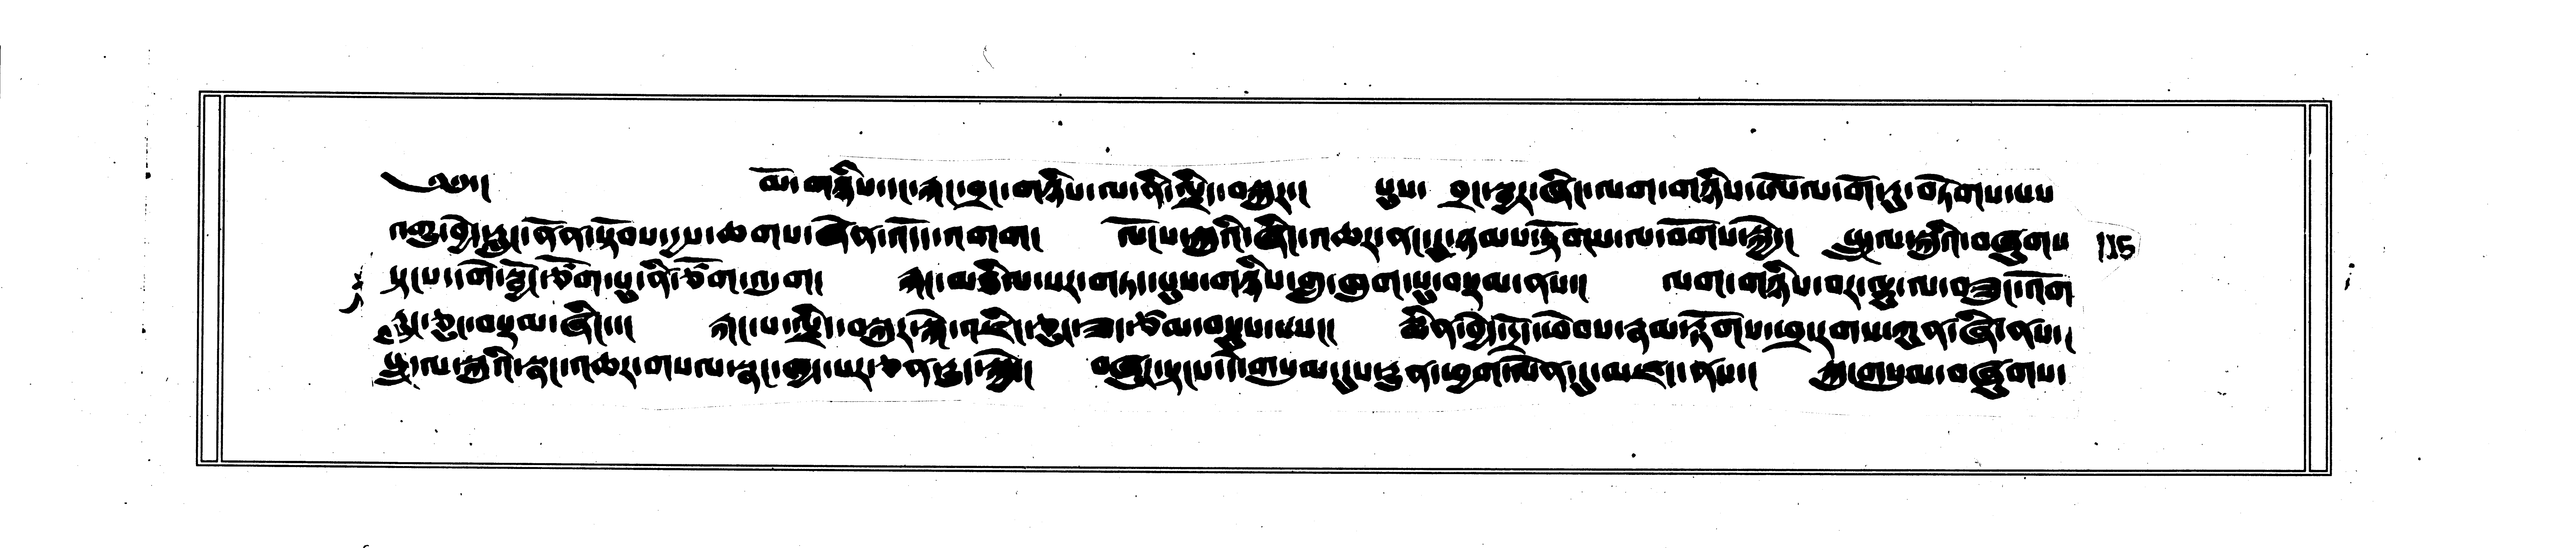མོ་གཉིས་དང་རྐང་བྲང་གཉིས་ལ་ནི་ལྗིད་བསྐུར། །པུས་བྲང་སྦྱར་ཞིང་ལག་གཉིས་ཨོལ་གོ་རུ་བཏེགས་པས། །
འགྱུ་བྱེད་རླུང་གནོན་སྟོབས་རྒྱས་ཆགས་ཞེན་འདོད་འགག །ལོངས་སྐུའི་ཞིང་འཆར་ནང་དུ་ཉམས་རྟོགས་ལ་བོགས་སྐྱེ། །སྤྲུལ་སྐུའི་བཞུགས་
སྟངས་དགེ་སྦྱོར་ཙོག་པུ་ཡི་ཙོག་འདུག །རྐང་མཐིལ་སར་གཏད་པུས་གཉིས་གྲུ་ཁུག་པུ་བསྡམ་ནས། །ལག་གཉིས་བར་ལྷུ་ལ་བཟུང་འོག་
རླུང་ཅུང་བསྡམ་ཞིང་། །རྐང་པ་ལྗིད་བསྐུར་སྐེ་འཇིང་ཅུང་ཟད་ཙམ་བསྡུས་པས། །སྨིན་བྱེད་དྲོད་ཕེབས་རྣམ་རྟོག་ཕྲ་རགས་ཀུན་ཞི་ནས། །
སྤྲུལ་སྐུའི་སྣང་འཆར་གསལ་སྣང་ཁྱད་པར་ཅན་རྒྱུད་སྐྱེ། །བཞུགས་སྟངས་དེ་གསུམ་དུས་རྒྱུན་ཕྱག་ལེན་དུ་མཛད་ནས། །སྐུ་གསུམ་བཞུགས་